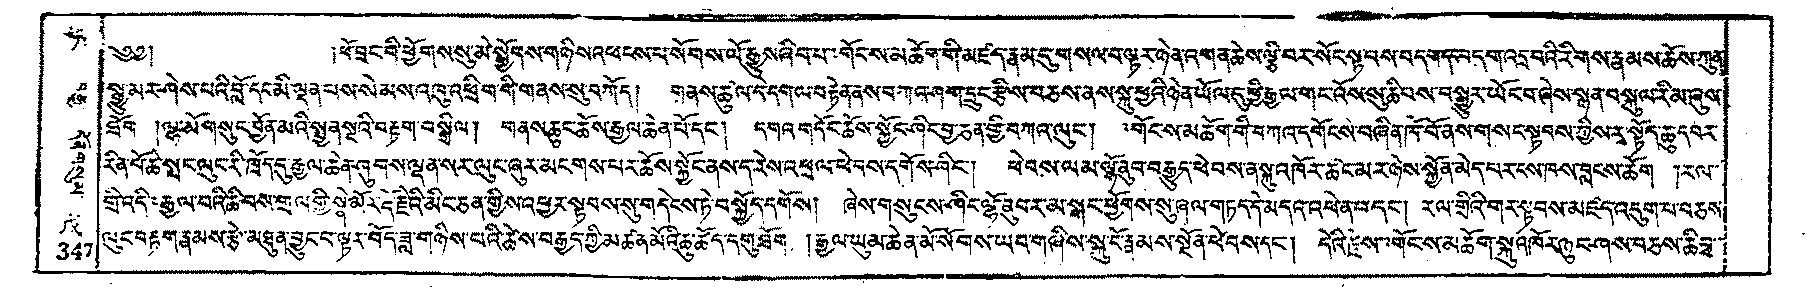༄༅། །ཕོ་བྲང་གི་ཕྱོགས་སུ་མེ་སྒྱོགས་གཉིས་འཕངས་པ་སོགས་ལོ་རྒྱུས་ཞིབ་པ་༧གོང་ས་མཆོག་གི་མཛད་རྣམ་དུ་གསལ་བ་ལྟར་ཉེན་འགན་ཆེས་ལྕི་བར་སོང་སྟབས་བདག་དང་བདག་འདྲ་བའི་རིགས་རྣམས་ཆོས་ཀུན་
སྒྱུ་མར་ཤེས་པའི་བློ་དང་མི་ལྡན་པས་སེམས་འཁུ་འཕྲིག་གི་གནས་སུ་བཀོད། གནས་ཚུལ་དེ་དག་ལ་བརྟེན་ནས་བཀའ་ཤག་དྲུང་རྩིས་བཅས་ནས་སྐུ་ཕྱའི་ཉེན་ཡོལ་དུ་ཕྱི་རྒྱལ་གང་འོས་སུ་ཆིབས་བསྒྱུར་ཡོང་བ་ཞེས་སྙན་བསྐུལ་རིམ་ཞུས་
ཐོག །ལྷ་མོ་གསུང་བྱོན་མའི་སྤྱན་སྔའི་བརྟག་བསྒྲིལ། གནས་ཆུང་ཆོས་རྒྱལ་ཆེན་པོ་དང་། དགའ་གདོང་ཆོས་སྐྱོང་ཤིང་བྱ་ཅན་གྱི་བཀའ་ལུང་། ༧གོང་ས་མཆོག་གི་བཀའ་དགོངས་བཞིན་ཁོ་བོ་ནས་གསང་སྟབས་ཀྱིས་རྭ་སྟོད་ཆུ་དབར་
རིན་པོ་ཆེ་སྤང་ལུང་རི་ཁྲོད་དུ་རྒྱལ་ཆེན་ཤུགས་ལྡན་སར་ལུང་ཞུར་མངགས་པར་ཆོས་སྐྱོང་ནས་ད་རེས་འཕྲལ་ཕེབས་དགོས་ཤིང་། ཕེབས་ལམ་ལྷོ་ནུབ་བརྒྱུད་ཕེབས་ན་སྐུ་འཁོར་ཚང་མར་ཉེས་སྐྱོན་མེད་པར་ངས་ཁས་བླངས་ཆོག །རལ་
གྲི་འདི་༧རྒྱལ་བའི་ཆིབས་གྲལ་གྱི་སྣེ་མོར་རྡོ་རྗེའི་མིང་ཅན་གྱིས་འཕྱར་སྟབས་སུ་གདེངས་ཏེ་བསྐྱོད་དགོས། ཞེས་གསུངས་ཤིང་ལྷོ་ནུབ་ར་མ་སྒང་ཕྱོགས་སུ་ཞལ་གཏད་དེ་མདའ་འཕེན་པ་དང་། རལ་གྲིའི་གར་སྟབས་མཛད་འདུག་པ་བཅས་
ལུང་བརྟག་རྣམས་རྩེ་མཐུན་བྱུང་བ་ལྟར་བོད་ཟླ་གཉིས་པའི་ཚེས་བརྒྱད་ཀྱི་མཚན་མོའི་ཆུ་ཚོད་དགུ་ཐོག །རྒྱལ་ཡུམ་ཆེན་མོ་སོགས་ཡབ་གཞིས་སྐུ་ངོ་རྣམས་སྔོན་ཕེབས་དང་། དེའི་རྗེས་༧གོང་ས་མཆོག་སྐུ་འཁོར་ཉུང་ཤས་བཅས་ཆིབས་